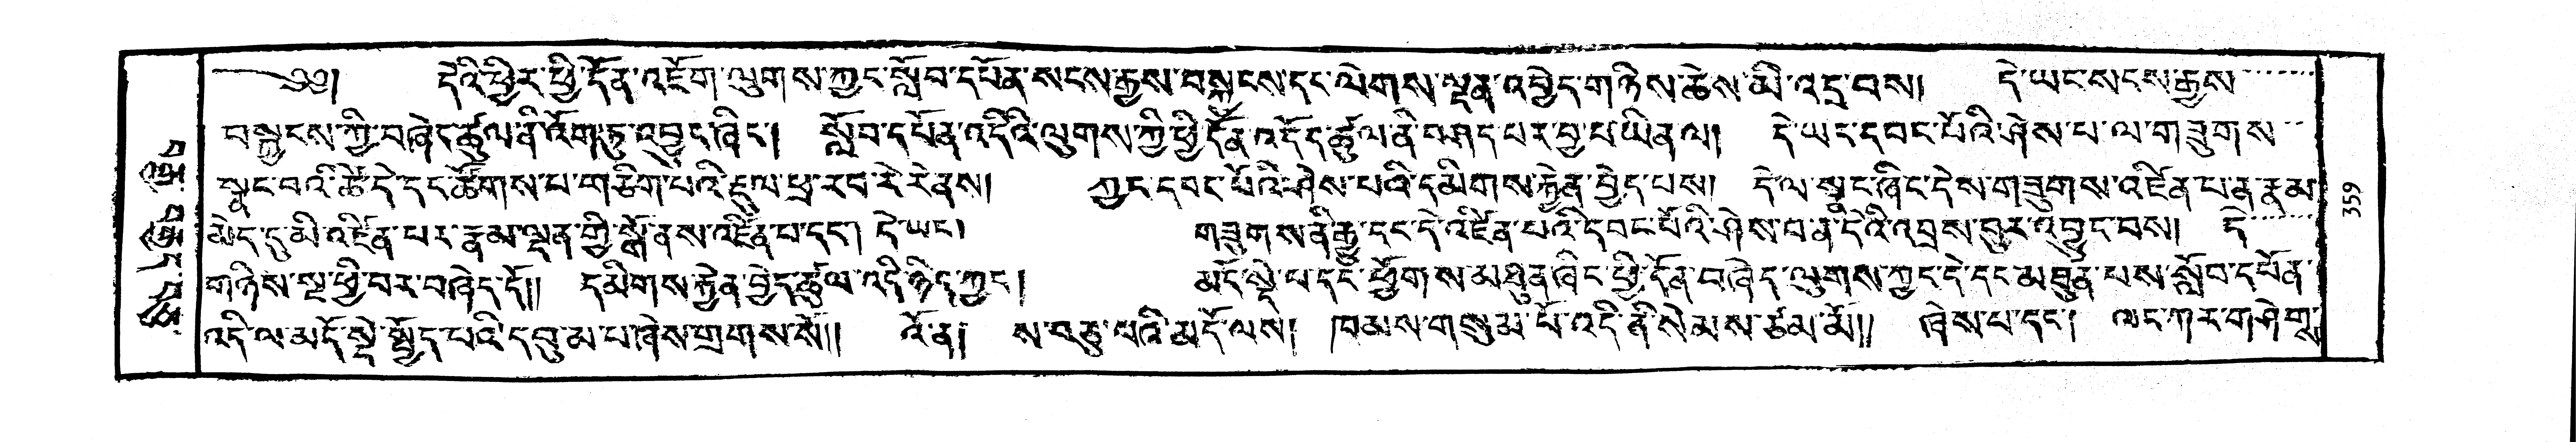༄༅། །དེའི་ཕྱིར་ཕྱི་དོན་འཇོག་ལུགས་ཀྱང་སློབ་དཔོན་སངས་རྒྱས་བསྐྱངས་དང་ལེགས་ལྡན་འབྱེད་གཉིས་ཆེས་མི་འདྲ་བས། དེ་ཡང་སངས་རྒྱས་
བསྐྱངས་ཀྱི་བཞེད་ཚུལ་ནི་འོག་ཏུ་འབྱུང་ཞིང་། སློབ་དཔོན་འདིའི་ལུགས་ཀྱི་ཕྱི་དོན་འདོད་ཚུལ་ནི་བཤད་པར་བྱ་བ་ཡིན་ལ། དེ་ཡང་དབང་པོའི་ཤེས་པ་ལ་གཟུགས་
སྣང་བའི་ཚེ་དེ་དང་ཚོགས་པ་གཅིག་པའི་རྡུལ་ཕྲ་རབ་རེ་རེ་ནས། ཀྱང་དབང་པོའི་ཤེས་པའི་དམིགས་རྐྱེན་བྱེད་པས། དེ་ལ་སྣང་ཞིང་དེས་གཟུགས་འཛིན་པ་ན་རྣམ་
མེད་དུ་མི་འཛིན་པར་རྣམ་ལྡན་གྱི་སྒོ་ནས་འཛིན་པ་དང་། དེ་ཡང་། གཟུགས་ནི་རྒྱུ་དང་དེ་འཛིན་པའི་དབང་པོའི་ཤེས་པ་ན་དེའི་འབྲས་བུར་འབྱུང་བས། དེ་
གཉིས་སྔ་ཕྱི་བར་བཞེད་དོ། དམིགས་རྐྱེན་བྱེད་ཚུལ་འདི་ཉིད་ཀྱང་། མདོ་སྡེ་པ་དང་ཕྱོགས་མཐུན་ཞིང་ཕྱི་དོན་བཞེད་ལུགས་ཀྱང་དེ་དང་མཐུན་པས་སློབ་དཔོན་
འདི་ལ་མདོ་སྡེ་སྤྱོད་པའི་དབུ་མ་པ་ཞེས་གྲགས་སོ།། འོ་ན། ས་བཅུ་པའི་མདོ་ལས། ཁམས་གསུམ་པོ་འདི་ནི་སེམས་ཙམ་མོ།། ཞེས་པ་དང་། ལང་ཀར་གཤེགས་